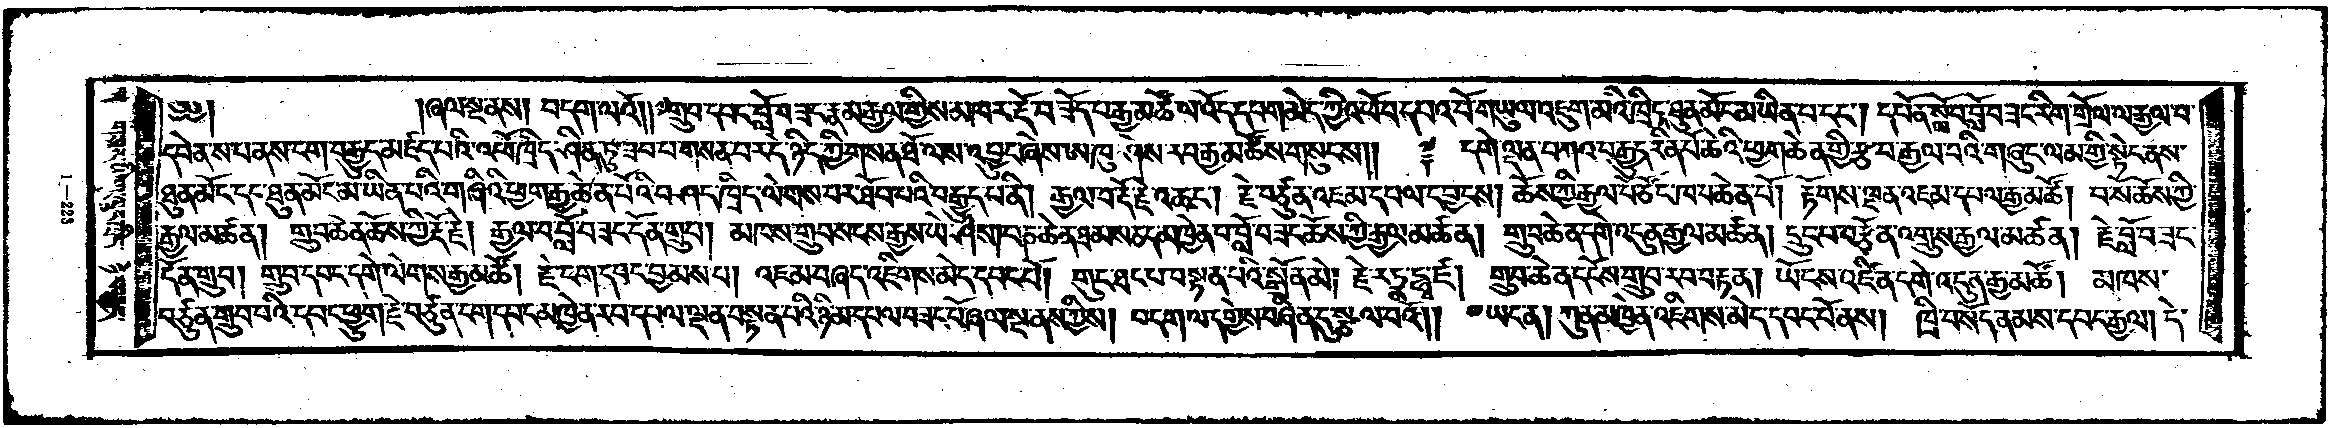༄༅། །ཞལ་སྔ་ནས། བདག་ལའོ། །༧གྲུབ་དབང་བློ་བཟང་རྣམ་རྒྱལ་གྱིས་མཁར་རྡོ་བཟོད་བརྒྱ་མཚོ་ལ་འོད་དཔག་མེད་ཀྱི་འཕོ་བ་དཔའ་བོ་གཡུལ་འཇུག་མའི་ཁྲིད་ཐུན་མོང་མ་ཡིན་པ་དང་། དཔོན་སློབ་བློ་བཟང་རིག་གྲོལ་ལ་རྒྱལ་བ་
དབེན་ས་པ་ནས་ངག་བརྒྱུད་མཛད་པའི་འཕོ་ཁྲིད་ཤིན་ཏུ་ཟབ་པ་གསན་པར་དེ་ཉིད་ཀྱི་གསན་ཐོ་ལས་འབྱུང་ཞེས་ཨ་ཁུ་ཤེས་རབ་རྒྱ་མཚོས་གསུངས།། འ་དགེ་ལྡན་བཀའ་བརྒྱུད་རིན་པོ་ཆེའི་ཕྱག་ཆེན་གྱི་རྩ་བ་རྒྱལ་བའི་གཞུང་ལམ་གྱི་སྟེང་ནས་
ཐུན་མོང་དང་ཐུན་མོང་མ་ཡིན་པའི་གཞིའི་ཕྱག་རྒྱ་ཆེན་པོའི་བཤད་ཁྲིད་ལེགས་པར་ཐོབ་པའི་བརྒྱུད་པ་ནི། རྒྱལ་བ་རྡོ་རྗེ་འཆང་། རྗེ་བཙུན་འཇམ་དཔལ་དབྱངས། ཆོས་ཀྱི་རྒྱལ་པོ་ཙོང་ཁ་པ་ཆེན་པོ། རྟོགས་ལྡན་འཇམ་དཔལ་རྒྱ་མཚོ། བ་སོ་ཆོས་ཀྱི་
རྒྱལ་མཚན། གྲུབ་ཆེན་ཆོས་ཀྱི་རྡོ་རྗེ། རྒྱལ་བ་བློ་བཟང་དོན་གྲུབ། མཁས་གྲུབ་སངས་རྒྱས་ཡེ་ཤེས་།པཎ་ཆེན་ཐམས་ཅད་མཁྱེན་པ་བློ་བཟང་ཆོས་ཀྱི་རྒྱལ་མཚན། གྲུབ་ཆེན་དགེ་འདུན་རྒྱལ་མཚན། དྲུང་པ་བརྩོན་འགྲུས་རྒྱལ་མཚན། རྗེ་བློ་བཟང་དོན་གྲུབ། གྲུབ་དབང་དགེ་ལེགས་རྒྱ་མཚོ། རྗེ་ངག་དབང་བྱམས་པ། འཇམ་བཞད་འཇིགས་མེད་དབང་པོ། གུང་ཐད་པ་བསྟན་པའི་སྒྲོན་མེ། རྗེ་རཏྣ་དྷྭ་ཛ། གྲུབ་ཆེན་དངོས་གྲུབ་རབ་བརྟན། ཡོངས་འཛིན་དགེ་འདུན་རྒྱ་མཚོ། མཁས་
བཙུན་གྲུབ་པའི་དབང་ཕྱུག་རྗེ་བཙུན་ངག་དབང་མཁྱེན་རབ་དཔལ་ལྡན་བསྟན་པའི་ཉི་མ་དཔལ་བཟང་པོ་ཞལ་སྔ་ནས་ཀྱིས། བདག་ལ་དགྱེས་བཞིན་དུ་སྩལ་བའོ།། ༧ཡང་ན། ཀུན་མཁྱེན་འཇིགས་མེད་དབང་པོ་ནས། ཁྲི་བསོད་ནམས་དབང་རྒྱལ། དེ་